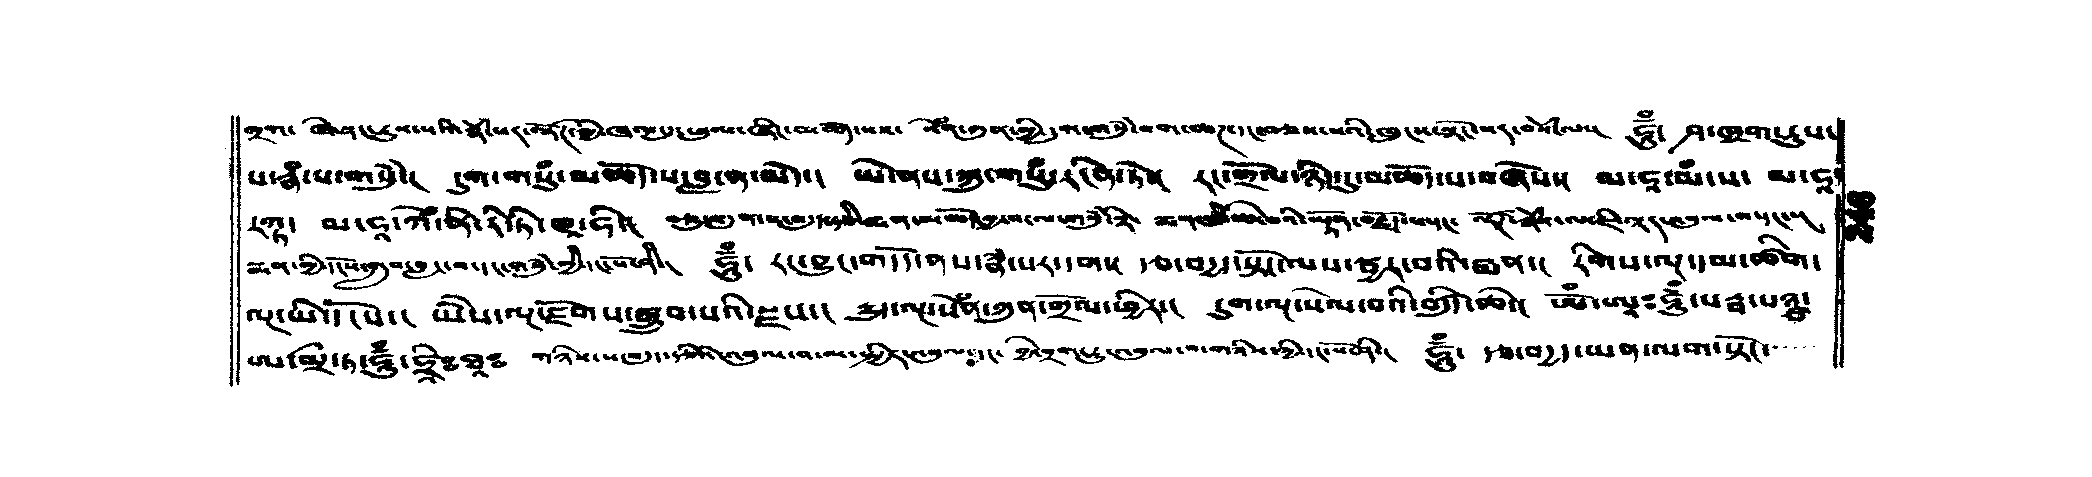ཁྲག་ཞེ་སྡང་རུས་པའི་རྣམ་པར་གཏོགས་ཀྱི་ཞལ་དུ་ཕུལ་ཞིང་མཆོད་པས།སེམས་ཅན་གྱི་དུག་གསུམ་བག་ཆགས་དང་ལབཅས་པའི་ཁུངས་སྟོང་པར་བསམ་ལ། ཤ་ཁྲག་རུས་
པ་རྣམ་པ་གསུམ། །དུག་གསུམ་མཆོད་པ་བླ་ན་མེད། །ཡེ་ནས་སྐུ་གསུམ་རང་བཞིན་ཏེ། །རང་གྲོལ་ཉིད་དུ་མཆོད་པ་བཞེས། །མ་ཧཱ་མཾ་ས། མ་ཧཱ་རཀྟ། མ་ཧཱ་
ཀེཾ་ནི་རི་ཏི་ཁཱ་ཧི། བཅུ་བདུན་པ་བདུད་རྩི་སྨན་མཆོད་བྱ་བ་ལ་གསུམ་སྟེ། སྨན་གྱི་ཆེ་བའི་ཡོན་ཏན་བརྗོད་པ་དང་། ལྷ་ཚོགས་རྣམས་ལ་ཇི་ལྟར་འབུལ་བ་དང་། 
སྨན་གྱི་དངོས་གྲུབ་བླང་བ་དང་གསུམ་གྱི་དང་པོ་ནི། ཧཱུྃ། རང་བྱུང་གདོད་ནས་རྣམ་པར་དག་རྩ་བརྒྱད་སྟོང་ལས་སྦྱར་བའི་སྨན། །རིགས་ལྔ་དམ་ཚིག་
ལྔ་ཡི་དངོས། །ཡེ་ཤེས་ལྔ་རྫོགས་སྒྲུབ་པའི་རྫས། །རྒྱུད་ལྔ་སེམས་ཅན་ཀུན་གྲོལ་ཕྱིར། །དུག་ལྔ་སེལ་བའི་བདུད་རྩི་ཆེ། །ཨོཾ་ཨཱཿཧཱུྃ་སརྦ་པཉྩ་
ཨ་མྲྀ་ཏ་ཧཱུྃ་ཧྲཱིཿཐཿ གཉིས་པ་བདུད་རྩི་འབུལ་བ་ལ་སྤྱིར་འབུལ་བ་དང་། བྱེ་བྲག་ཏུ་འབུལ་བ་གཉིས་ཀྱི་དང་པོ་ནི། ཧཱུྃ། རྩ་བརྒྱད་ཡན་ལག་སྟོང་